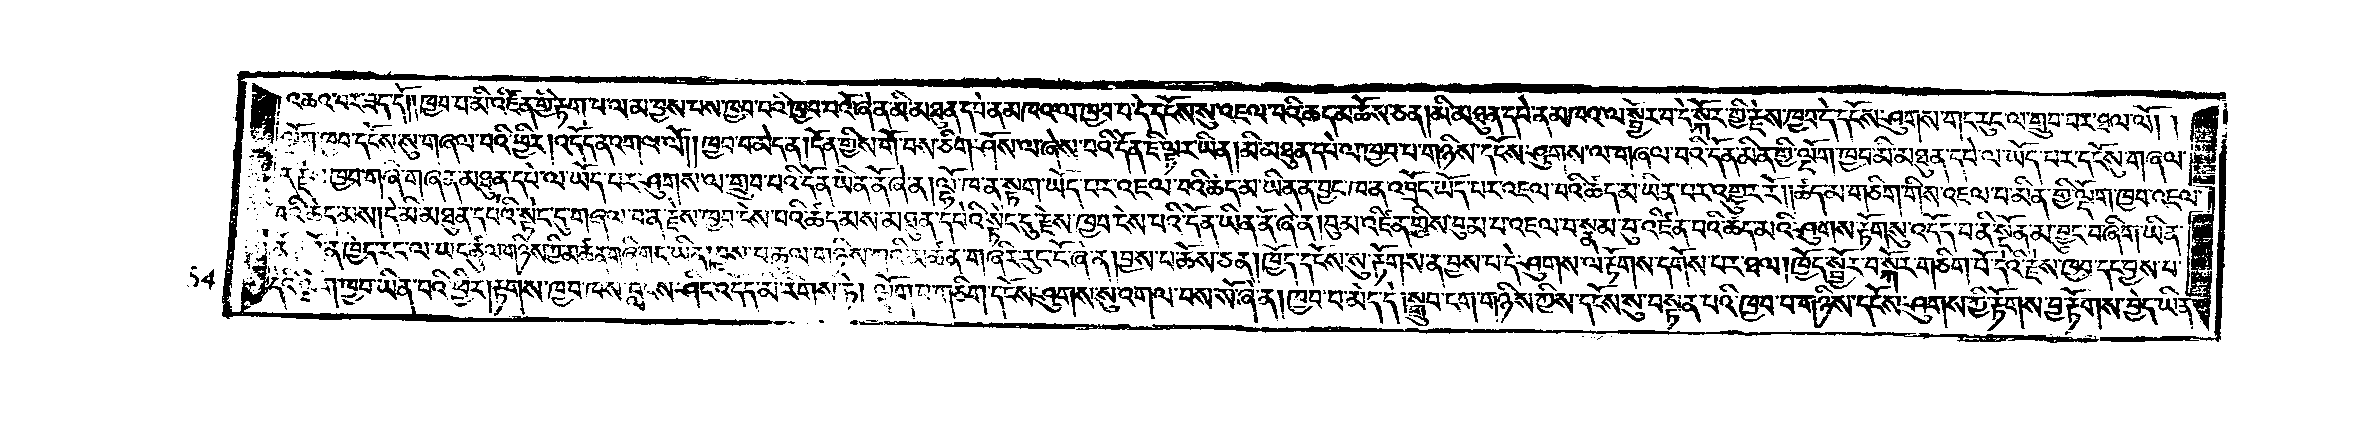འཆའ་བར་ཟད་དེ། །ཁྱབ་པ་མི་འཛིན་གྱི་རྟག་པ་ལ་མ་བྱས་པས་ཁྱབ་པའི་ཁྱབ་པའོ་ཞེ་ན་མི་མཐུན་དཔེ་ན་མཁའ་ལ་ཁྱབ་པ་དེ་དངོས་སུ་འཇལ་བའི་ཚད་མ་ཆོས་ཅན། མི་མཐུན་དཔེ་ནམ་མཁའ་?་ལ་སྦྱོར་བ་དེ་སྐོར་གྱི་རྗེས་ཁྱབ་དེ་དངོས་ཤུགས་གང་རུང་ལ་གྲུབ་པར་ཐལ་ལོ། །
ལྡོག་ཁྱབ་དངོས་སུ་གཞལ་བའི་ཕྱིར། འདོད་ན་འགལ་ལོ། །ཁྱབ་པ་མེད་ན། དོན་གྱིས་གོ་བས་ཅིག་ཤོས་ལ་ཞེས་པའི་དོན་ཇི་ལྟར་ཡིན། མི་མཐུན་དཔེ་ལ་ཁྱབ་པ་གཉིས་དངོས་ཤུགས་ལ་གཞལ་བའི་དོན་མིན་གྱི་ལྡོག་ཁྱབ་མི་མཐུན་དཔེ་ལ་ཡོད་པར་དངོས་སུ་གཞལ་
ར་རྗེས་ཁྱབ་གཞི་གཞན་མཐུན་དཔེ་ལ་ཡོད་པར་ཤུགས་ལ་གྲུབ་པའི་དོན་ཡིན་ནོ་ཞེ་ན། ལྷོ་ཁ་ན་སྟག་ཡོད་པར་འཇལ་བའི་ཆེད་མ་ཡིན་ན་བྱང་ཁ་ན་འབྲོང་ཡོད་པར་འཇལ་བའི་ཚད་མ་ཡིན་པར་འགྱུར་རོ། །ཚད་མ་གཅིག་གིས་འཇལ་བ་མིན་གྱི་ལྡོག་ཁྱབ་འཇལ་
བའི་ཚད་མས། ད་མི་མཐུན་དཔེའི་སྟེང་དུ་གཞལ་བ་ན་རྗེས་ཁྱབ་ངེས་པའི་ཚད་མས་མཐུན་དཔེའི་སྟེང་དུ་རྗེས་ཁྱབ་ངེས་པའི་དོན་ཡིན་ནོ་ཞེ་ན། བུམ་འཛིན་གྱིས་བུམ་པ་འཇལ་བ་སྣམ་བུ་འཛིན་པའི་ཚད་མའི་ཤུགས་རྟོགས་སུ་འདོད་པ་ནི་སྔོན་མ་བྱུང་བ་ཞིག་ཡིན་
ནོ། །འོ་ན་ཁྱེད་རང་ལ་ཡང་ཚུལ་གཉིས་ཀྱི་མཚན་གཞི་གང་ཡིན། བྱས་པ་ཚུལ་གཉིས་ཀའི་མཚན་གཞིར་རུང་ངོ་ཞེ་ན། བྱས་པ་ཆོས་ཅན། ཁྱོད་དངོས་སུ་རྟོགས་ན་བྱས་པ་དེ་ཤུགས་ལ་རྟོགས་དགོས་པར་ཐལ། ཁྱོད་སྦྱོར་བ་སྐོར་གཅིག་པོ་དེའི་རྗེས་ཁྱབ་དང་བྱས་པ་
དེའི་ལྡོག་ཁྱབ་ཡིན་པའི་ཕྱིར། རྟགས་ཁྱབ་ཁས་བླངས་ཤིང་འདོད་མི་རིགས་ཏེ། ལྡོག་པ་གཅིག་དངོས་ཤུགས་སུ་འགལ་བས་སོ་ཞེ་ན། ཁྱབ་པ་མེད་དེ། སྒྲུབ་ངག་གཉིས་ཀྱིས་དངོས་སུ་བསྟན་པའི་ཁྱབ་པ་གཉིས་དངོས་ཤུགས་ཀྱི་རྟོགས་བྱ་རྟོགས་བྱེད་ཡིན་